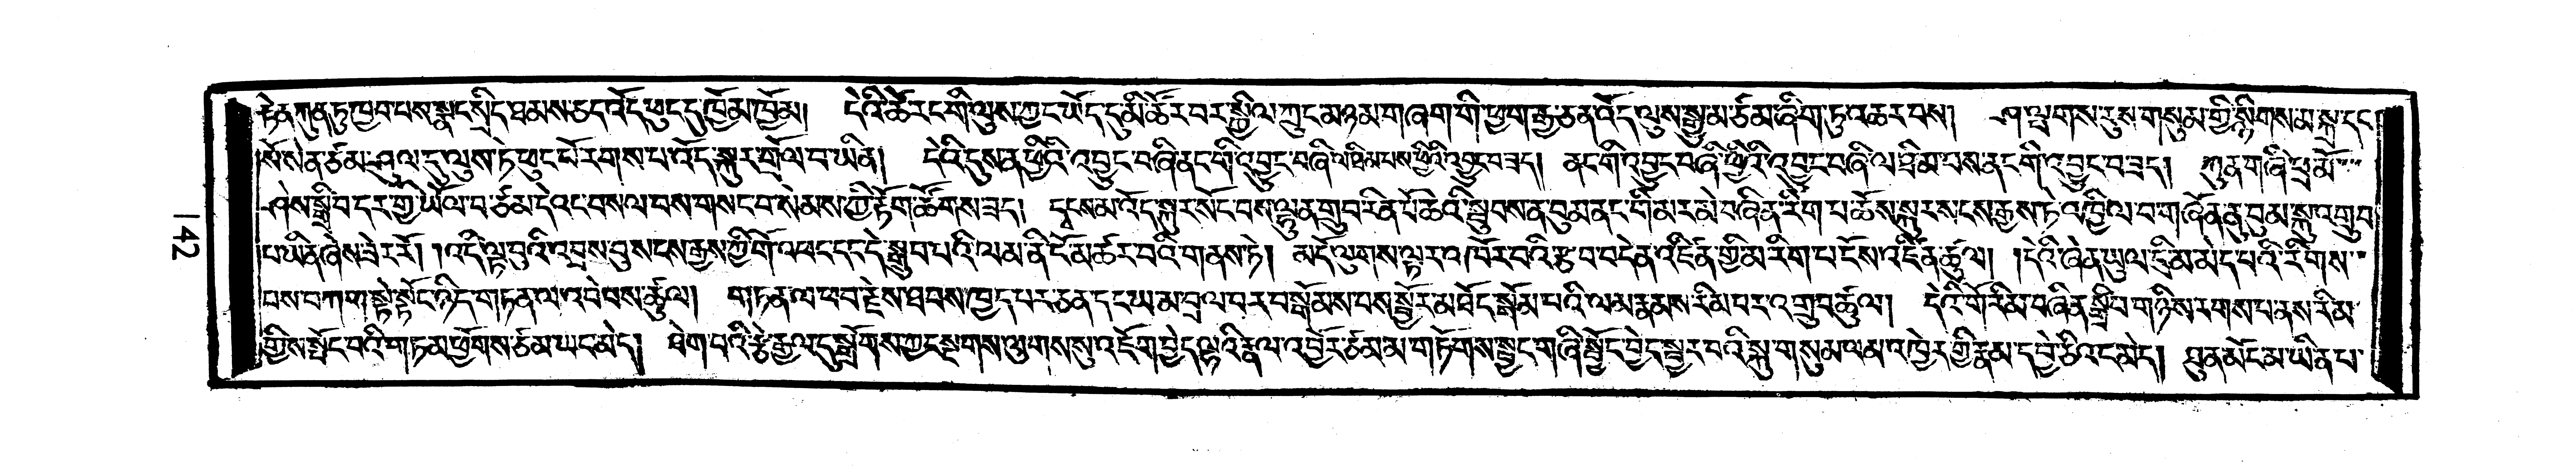རྟེན་ཀུན་ཏུ་ཁྱབ་པས་སྣང་སྲིད་ཐམས་ཅད་འོད་ཕུང་དུ་ཁྱོམ་ཁྱོམ། དེའི་ཚེ་རང་གི་ལུས་ཀྱང་ཡོད་དུ་མི་ཚོར་བར་སྐྱིལ་ཀྲུང་མཉམ་གཞག་གི་ཕྱག་རྒྱ་ཅན་འོད་ལུས་སྒྱུ་མ་ཙམ་ཞིག་ཏུ་འཆར་བས། ཤ་ལྤགས་རུས་གསུམ་གྱི་སྙིགས་མ་སྐྲ་དང་
སོ་སེན་ཙམ་ཤུལ་དུ་ལུས་ཏེ་ཕུང་པོ་རགས་པ་འོད་སྐུར་གྲོལ་བ་ཡིན། དེའི་དུས་ན་ཕྱིའི་འབྱུང་བཞི་ནང་གི་འབྱུང་བཞི་ལ་ཐིམ་པས་ཕྱིའི་འབྱུང་བ་ཟད། ནང་གི་འབྱུང་བཞི་ཕྱིའི་འབྱུང་བཞི་ལ་ཐིམ་པས་ནང་གི་འབྱུང་བ་ཟད། ཀུན་གཞི་ཕྲ་མོ་
ཤེས་སྒྲེབ་དར་གྱི་ཡོལ་བ་ཙམ་དེའང་བསལ་བས་གསང་བ་སེམས་ཀྱི་རྟོག་ཚོགས་ཟད། དྭངས་མ་འོད་སྐུར་སོང་བས་ལྷུང་གྲུབ་རིན་པོ་ཆེའི་སྦུབས་ན་བུམ་ནང་གི་མར་མེ་བཞིན་རིག་པ་ཆོས་སྐུར་སངས་རྒྱས་ཏེ་འཁྱིལ་བ་གཞོན་ནུ་བུམ་སྐུ་འགྲུབ་
པ་ཡིན་ཞེས་ཟེར་རོ། །འདི་ལྟ་བུའི་འབྲས་བུ་སངས་རྒྱས་ཀྱི་གོ་འཕང་དང་དེ་སྒྲུབ་པའི་ལམ་ནི་ངོ་མཚར་བའི་གནས་ཏེ། མདོ་ལུགས་ལྟར་འཁོར་བའི་རྩ་བ་བདེན་འཛིན་གྱི་མ་རིག་པ་ངོས་འཛིན་ཚུལ། དེའི་ཞེན་ཡུལ་དྲི་མ་མེད་པའི་རིགས་
པས་བཀག་སྟེ་སྟོང་ཉིད་གཏན་ལ་འབེབས་ཚུལ། གཏན་ལ་ཕབ་རྗེས་ཐབས་ཁྱད་པར་ཅན་དང་ཡམ་བྲལ་བར་བསྒོམས་པས་སྦྱོར་མཐོང་སྒོམ་པའི་ལམ་རྣམས་རིམ་པར་འགྲུབ་ཚུལ། དེའི་གོ་རིམ་བཞིན་སྒྲིབ་གཉིས་རགས་པ་ནས་རིམ་
བྱིས་སྤོང་བའི་གཏམ་ཕྱོགས་ཙམ་ཡང་མེད། ཐེག་པའི་རྩེ་རྒྱལ་དུ་སྒོགས་ཀྱང་སྔགས་ལུགས་སུ་འཇོག་བྱེད་ལྷའི་རྣལ་འབྱོར་ཙམ་མ་གཏོགས་སྦྱང་གཞི་སྦྱོང་བྱེད་སྦྱར་བའི་སྐུ་གསུམ་ལམ་འཁྱེར་གྱི་རྣམ་དབྱེ་ཅིའང་མེད། ཐུན་མོང་མ་ཡིན་པ་